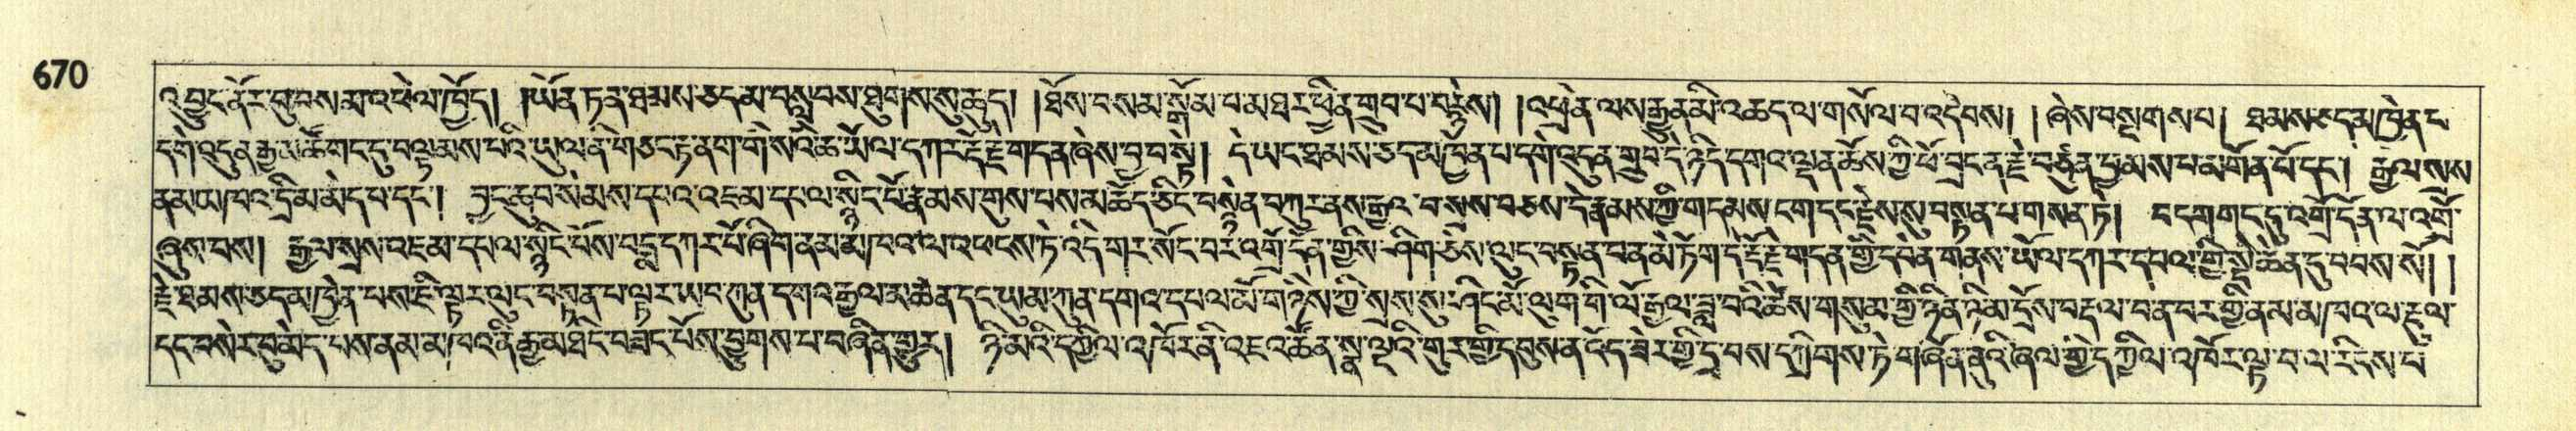འབྱུང་ནོར་བུ་བསམ་འཕེལ་ཁྱོད། །ཡོན་ཏན་ཐམས་ཅད་མ་བསླབས་ཐུགས་སུ་ཆུད། །ཐོས་བསམ་སྒོམ་པ་མཐར་ཕྱིན་གྲུབ་པ་བརྙེས། །འཕྲིན་ལས་རྒྱུན་མི་འཆད་ལ་གསོལ་བ་འདེབས། །ཞེས་བསྔགས་པ། ཐམས་ཅད་མཁྱེན་པ་
དགེ་འདུན་རྒྱ་མཚོ་གང་དུ་བལྟམས་པའི་ཡུལ་ནི་གཅང་རྟ་ནག་གི་སའི་ཆ་ཡོལ་དཀར་རྡོ་རྗེ་གདན་ཞེས་བྱ་བ་སྟེ། དེ་ཡང་ཐམས་ཅད་མཁྱེན་པ་དགེ་འདུན་གྲུབ་དེ་ཉིད་དགའ་ལྡན་ཆོས་ཀྱི་ཕོ་བྲང་ན་རྗེ་བཙུན་བྱམས་པ་མགོན་པོ་དང་། རྒྱལ་སྲས་
ནམ་མཁའ་དྲི་མ་མེད་པ་དང་། བྱང་ཆུབ་སེམས་དཔའ་འཇམ་དཔལ་སྙིང་པོ་རྣམས་གུས་པས་མཆོད་ཅིང་བསྙེན་བཀུར་ནས་རྒྱལ་བ་སྲས་བཅས་དེ་རྣམས་ཀྱི་གདམས་ངག་དང་རྗེས་སུ་བསྟན་པ་གསན་ཏེ། བདག་གང་དུ་འགྲོ་དོན་ལ་འགྲོ་
ཞུས་བས། རྒྱལ་སྲས་འཇམ་དཔལ་སྙིང་པོས་པདམ་དཀར་པོ་ཞིག་ནམ་མཁའ་ལ་འཕངས་ཏེ་འདི་གར་སོང་བར་འགྲོ་དོན་གྱིས་ཤིག་ཅེས་ལུང་བསྟན་བ་ན་མེ་ཏོག་དེ་རྡོ་རྗེ་གདན་གྱི་དབེན་གནས་ཡོལ་དཀར་དཔལ་གྱི་སྡེ་ཚེན་དུ་བབས་སོ། །
རྗེ་ཐམས་ཅད་མཁྱེན་པས་ཇི་ལྟར་ལུང་བསྟན་པ་ལྟར་ཡབ་ཀུན་དགའ་རྒྱལ་མཚན་དང་ཡུམ་ཀུན་དགའ་དཔལ་མོ་གཉིས་ཀྱི་སྲས་སུ་ཤིང་མོ་ལུག་གི་ལོ་རྒྱལ་ཟླ་བའི་ཚེས་གསུམ་གྱི་ཉིན་ཉི་མ་དྲོས་བརྡལ་བ་ན་བར་གྱི་ནམ་མཁའ་ལ་རྡུལ་
དང་བསེར་བུ་མེད་པས་ནམ་མཁའ་ནི་རྒྱ་མཐིང་བཟང་པོས་བྱུགས་པ་བཞིན་གྱུར། ཉི་མའི་དཀྱིལ་འཁོར་ནི་འཇའ་ཚོན་སྣ་ལྔའི་གུར་གྱི་དབུས་ན་འོད་ཟེར་གྱི་དྲ་བས་དཀྲིགས་ཏེ་གཞོན་ནུའི་ཞལ་གྱི་དཀྱིལ་འཁོར་ལྟ་བ་ལ་རིངས་པ་